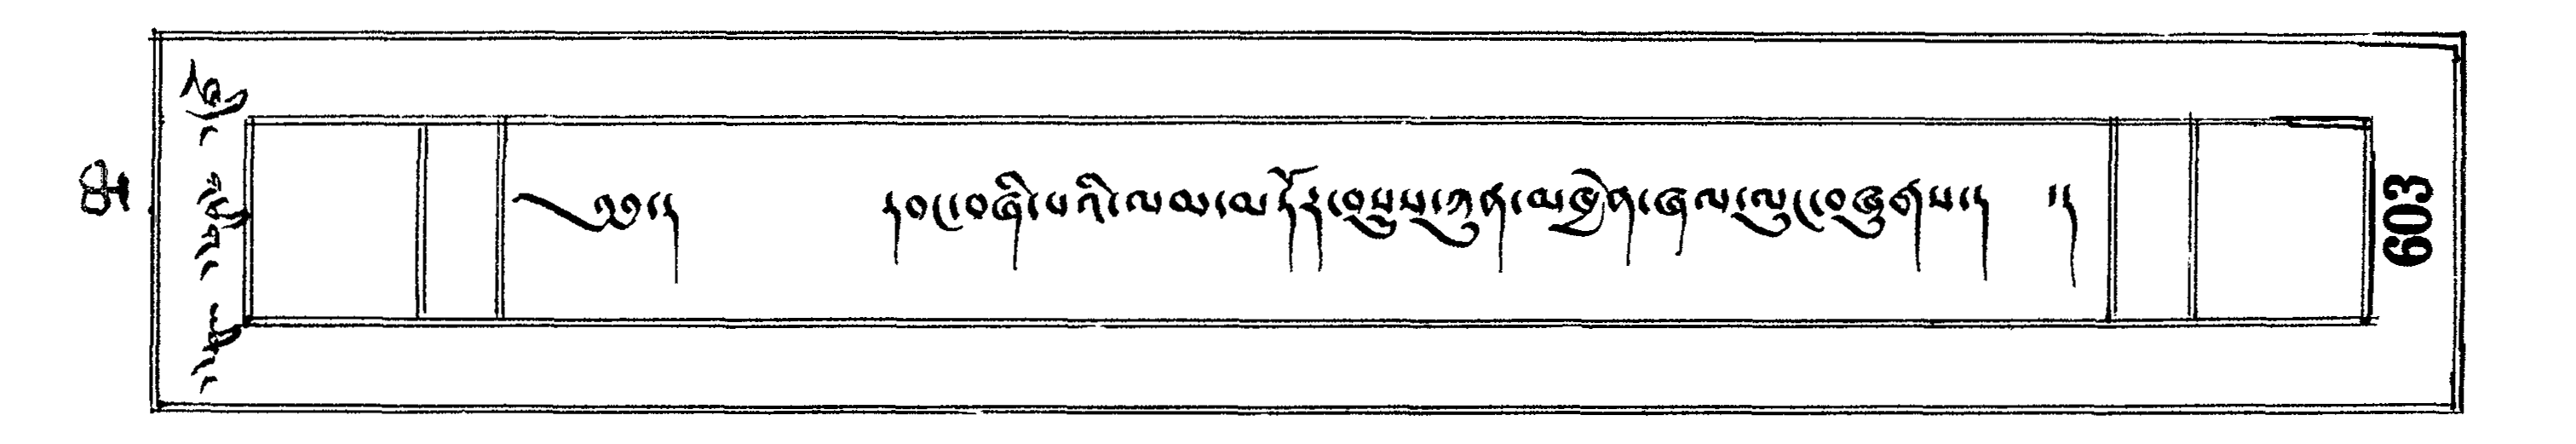༄༅། དབང་བཞི་པའི་ལམ་མདོར་བསྡུས་ཀུན་མཁྱེན་ཞལ་ལུང་བཞུགས།།